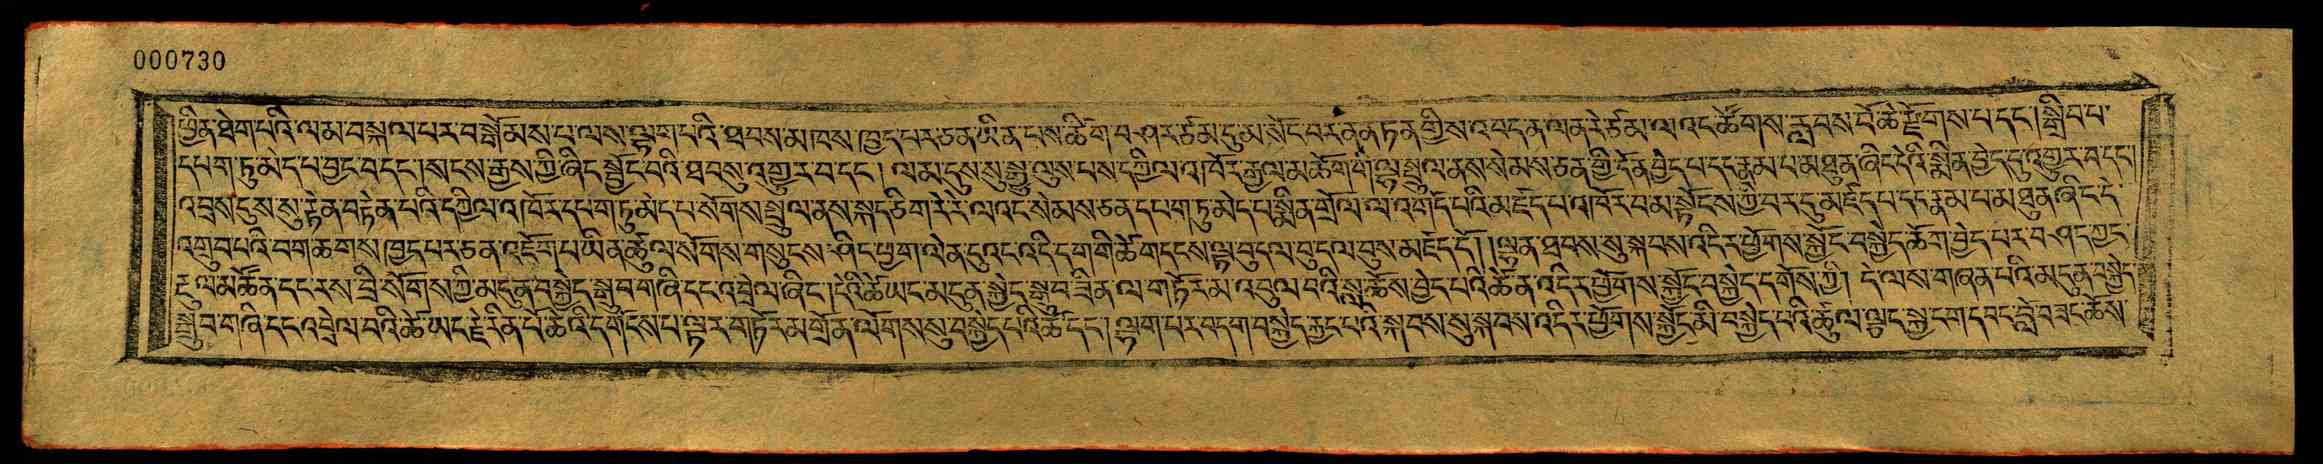ཕྱིན་ཐེག་པའི་ལམ་བསྐལ་བར་བསྒོམས་པ་ལས་ལྷག་པའི་ཐབས་མཁས་ཁྱད་པར་ཅན་ཡིན་པས་ཚིག་བཤར་ཙམ་དུ་མ་སོང་བར་ནན་ཏན་གྱིས་འབད་ན་ལན་རེ་ཙམ་ལའང་ཚོགས་རླབས་པོ་ཆེ་རྫོགས་པ་དང་། སྒྲིབ་པ་
དཔག་ཏུ་མེད་པ་བྱང་བ་དང་། སངས་རྒྱས་ཀྱི་ཞིང་སྦྱོང་བའི་ཐབས་སུ་འགྱུར་བ་དང་། ལམ་དུས་སུ་སྒྱུ་ལུས་པས་དཀྱིལ་འཁོར་རྒྱལ་མཆོག་གི་ལྷ་སྤྲུལ་ནས་སེམས་ཅན་གྱི་དོན་བྱེད་པ་དང་རྣམ་པ་མཐུན་ཞིང་དེའི་སྨིན་བྱེད་དུ་འགྱུར་བ་དང་
འབྲས་དུས་སུ་རྟེན་བརྟེན་པའི་དཀྱིལ་འཁོར་དཔག་ཏུ་མེད་པ་སོགས་སྤྲུལ་ནས་སྐད་ཅིག་རེ་རེ་ལའང་སེམས་ཅན་དཔག་ཏུ་མེད་པ་སྨིན་གྲོལ་ལ་འགོད་པའི་མཛད་པ་འཁོར་བ་མ་སྟོངས་ཀྱི་བར་དུ་མཛད་པ་དང་རྣམ་པ་མཐུན་ཞིང་དེ་
འགྲུབ་པའི་བག་ཆགས་ཁྱད་པར་ཅན་འཇོག་པ་ཡིན་ཚུལ་སོགས་གསུངས་ཤིང་ཕྱག་ལེན་དུའང་འདི་དག་གི་ཚེ་གདངས་ལྟ་བུ་དལ་བུ་དལ་བུས་མཛད་དོ། །ལྷན་ཐབས་སུ་སྐབས་འདིར་ཕྱོགས་སྐྱོང་བསྐྱེད་ཆོག་བྱེད་པར་བཤད་ཀྱང་
རྡུལ་མཚོན་དང་ར་ས་བྲི་སོགས་ཀྱི་མདུན་བསྐྱེད་སྒྲུབ་གཞི་དང་འབྲེལ་ཞིང་། དེའི་ཚེ་ཡང་མདུན་སྐྱེད་སྒྲུབ་ཟིན་ལ་གཏོར་མ་འབུལ་བའི་སླ་ཆོས་བྱེད་པའི་ཚེ་ན་འདིར་ཕྱོགས་སྐྱོང་བསྐྱེད་དགོས་ཀྱི། དེ་ལས་གཞན་པའི་མདུན་བསྐྱེད་
སྒྲུབ་གཞི་དང་འབྲེལ་བའི་ཚེ་ཡང་རྗེ་རིན་པོ་ཆེའི་དགོངས་པ་ལྟར་གཏོར་མགྲོན་ལོགས་སུ་བསྐྱེད་པའི་ཚེ་དང་། ལྷག་པར་བདག་བསྐྱེད་རྐྱང་པའི་སྐབས་སུ་སྐབས་འདིར་ཕྱོགས་སྐྱོང་མི་བསྐྱེད་པའི་ཚུལ་ལྕང་སྐྱ་ངག་དབང་བློ་བཟང་ཆོས་